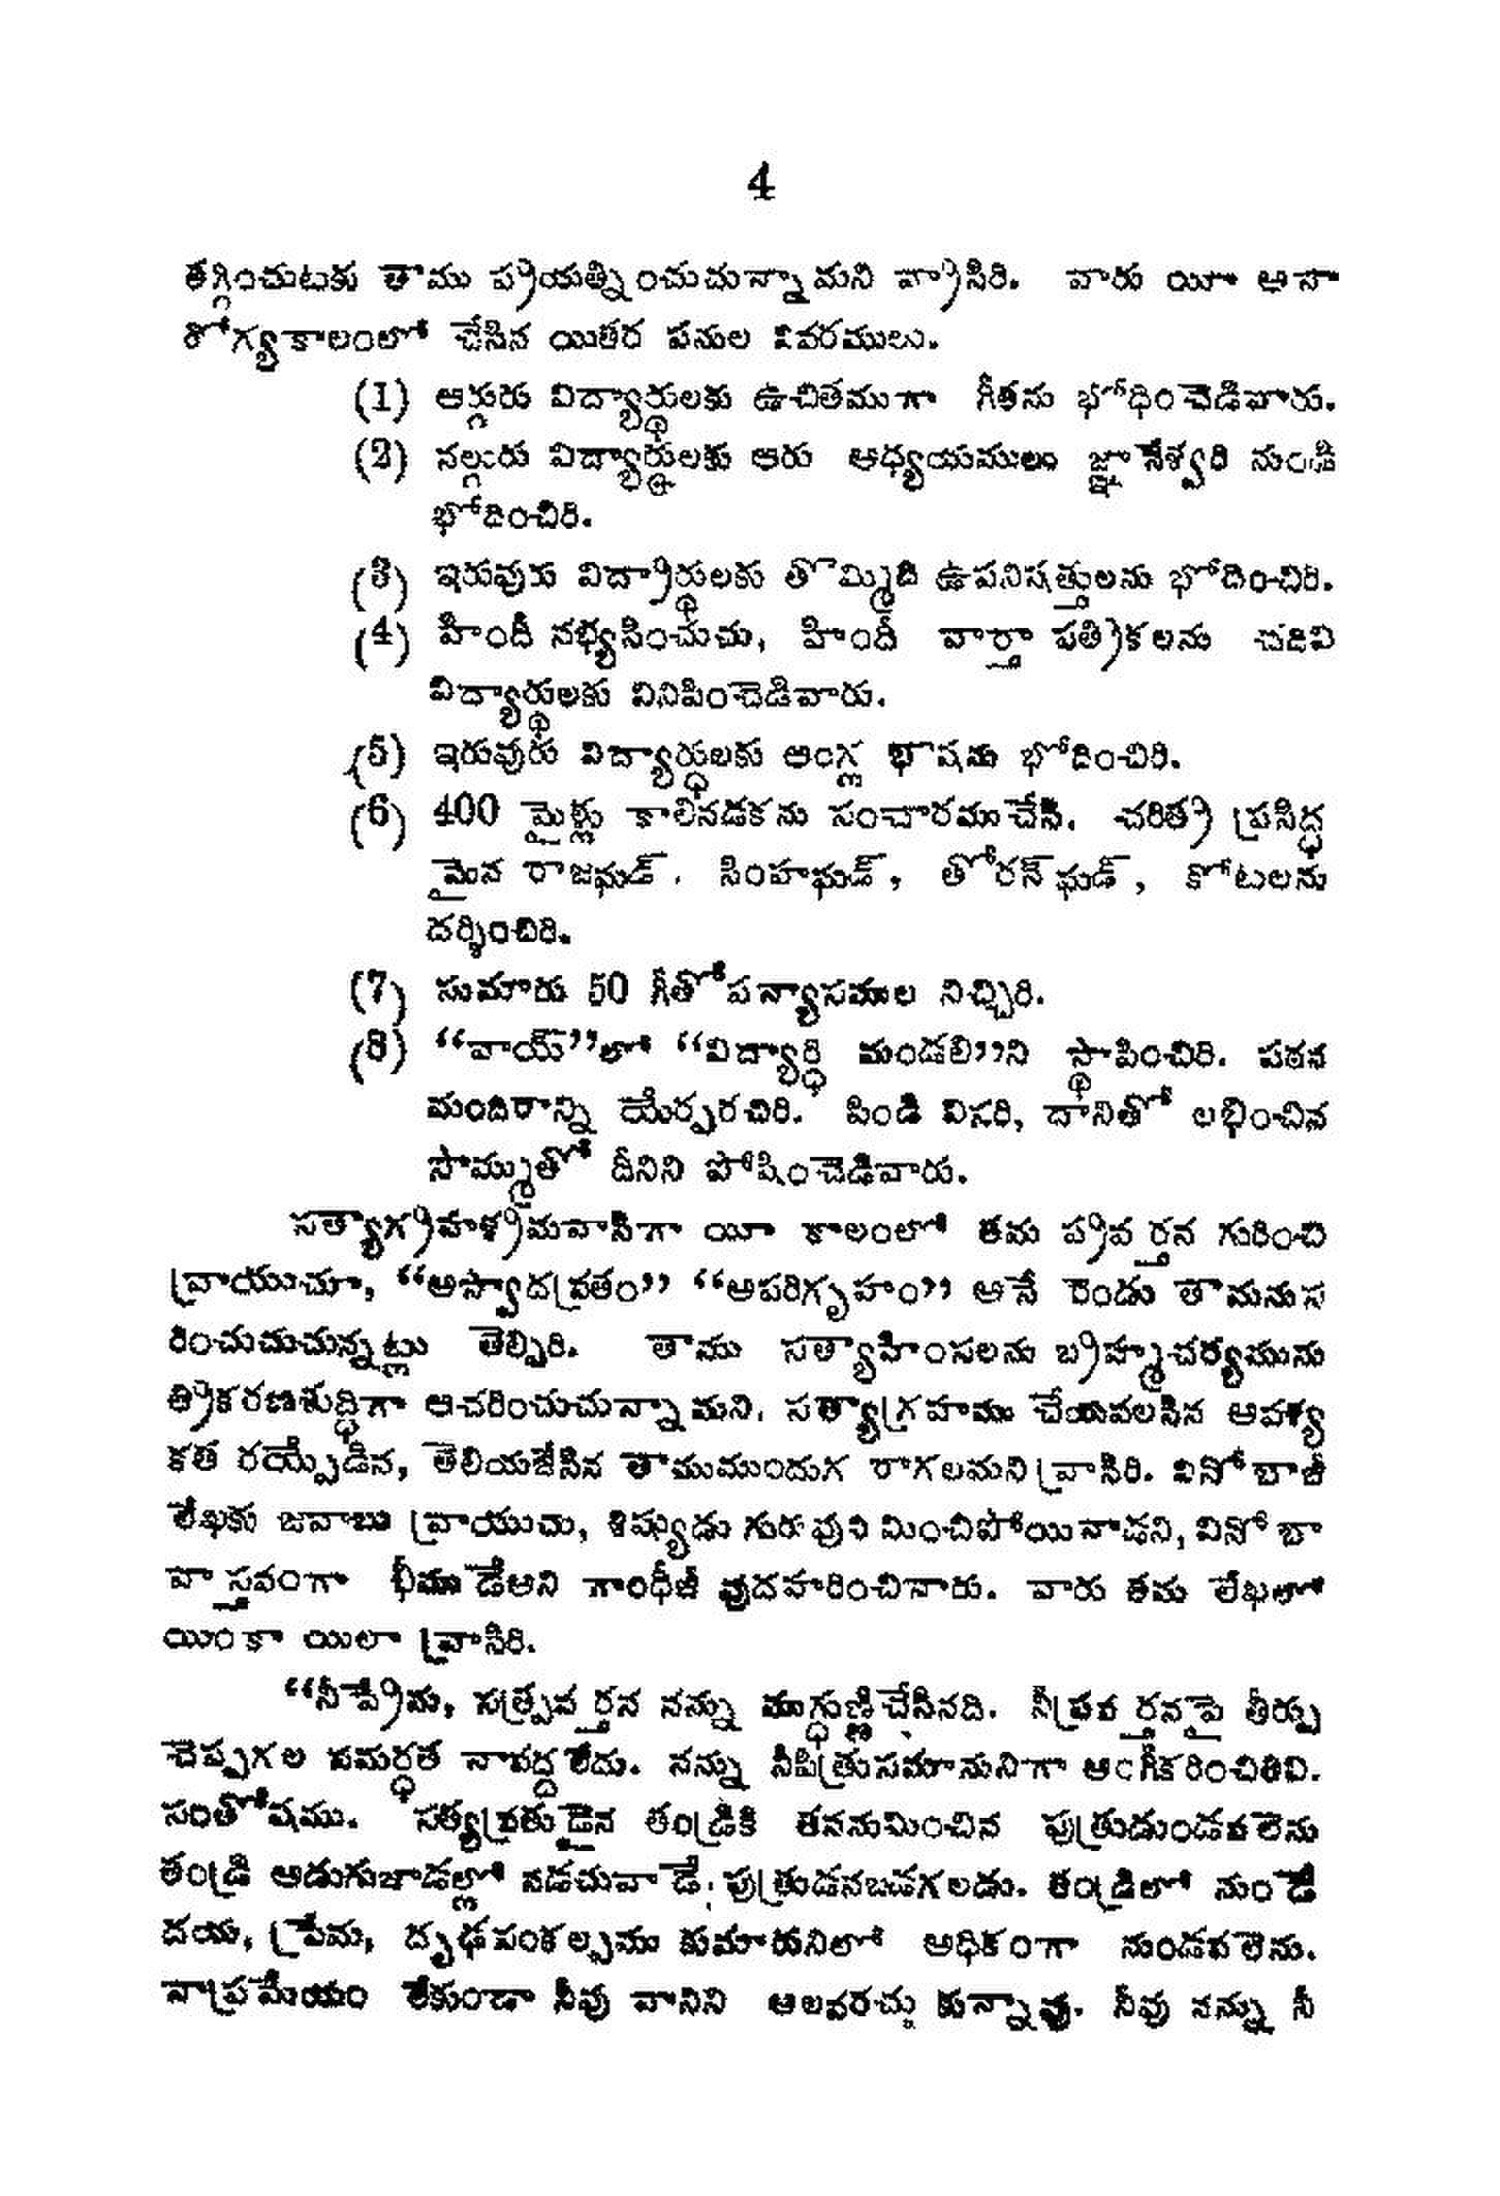తగ్గించుటకు తాము ప్రయత్నించుచున్నామని వ్రాసిరి. వారు యీ అనారోగ్యకాలంలో చేసిన యితర పనుల వివరములు.

(1) ఆర్గురు విద్యార్థులకు ఉచితముగా గీతను బోధించెడివారు. 

(2) నల్గురు విద్యార్థులకు ఆరు అధ్యయములు జ్ఞానేశ్వరి నుండి భోదించిరి. 

(3) ఇరువురు విద్యార్థులకు తొమ్మిది ఉపనిషత్తులను భోదించిరి. 

(4) హిందీ నభ్యసించుచు, హిందీ వార్తాపత్రికలను చదివి విద్యార్థులకు వినిపించెడివారు. 

(5) ఇరువురు విద్యార్థులకు ఆంగ్ల భాషను భోదించిరి. 

(6) 400 మైళ్లు కాలినడకను సంచారముచేసి, చరిత్ర ప్రసిద్ధమైన రాజఘడ్, సింహఘడ్, తోరన్‌ఘడ్, కోటలను దర్శించిరి. 

(7) సుమారు 50 గీతోపన్యాసముల నిచ్చిరి. 

(8) "వాయ్"లో "విద్యార్థి మండలి"ని స్థాపించిరి. పఠన మందిరాన్ని యేర్పరచిరి. పిండి విసరి, దానితో లభించిన సొమ్ముతో దీనిని పోషించెడివారు. 

సత్యాగ్రహశ్రమవాసిగా యీ కాలంలో తమ ప్రవర్తన గురించి వ్రాయుచూ, "అస్వాదవ్రతం” "అపరిగృహం" అనే రెండు తానుననుసరించుచుచున్నట్లు తెల్ఫిరి. తాము సత్యాహింసలను బ్రహ్మచర్యమును త్రికరణశుద్ధిగా ఆచరించుచున్నామని, సత్యాగ్రహము చేయవలసిన ఆవశ్యకత యేర్పడిన, తెలియజేసిన తాముముందుగ రాగలమని వ్రాసిరి. వినోబాజీ లేఖకు జవాబు వ్రాయుచు, శిష్యుడు గురువుని మించిపోయినాడని, వినోబా వాస్తవంగా భీముడేఅని గాంధీజీ వుదహరించినారు. వారు తమ లేఖలో యింకా యిలా వ్రాసిరి.

"నీప్రేమ, సత్ప్రవర్తన నన్ను ముగ్ధుణ్ణిచేసినది. నీప్రవర్తనపై తీర్పు చెప్పగల సమర్థత నావద్దలేదు. నన్ను నీపిత్రుసమానునిగా అంగీకరించితివి. సంతోషము. సత్యవ్రతుడైన తండ్రికి తననుమించిన పుత్రుడుండవలెను తండ్రి అడుగుజాడల్లో నడచువాడే పుత్రుడనబడగలడు. తండ్రిలో నుండే దయ, ప్రేమ, దృఢసంకల్పము కుమారునిలో అధికంగా నుండవలెను. నాప్రమేయం లేకుండా నీవు వానిని అలవరచు కున్నావు. నీవు నన్ను నీ